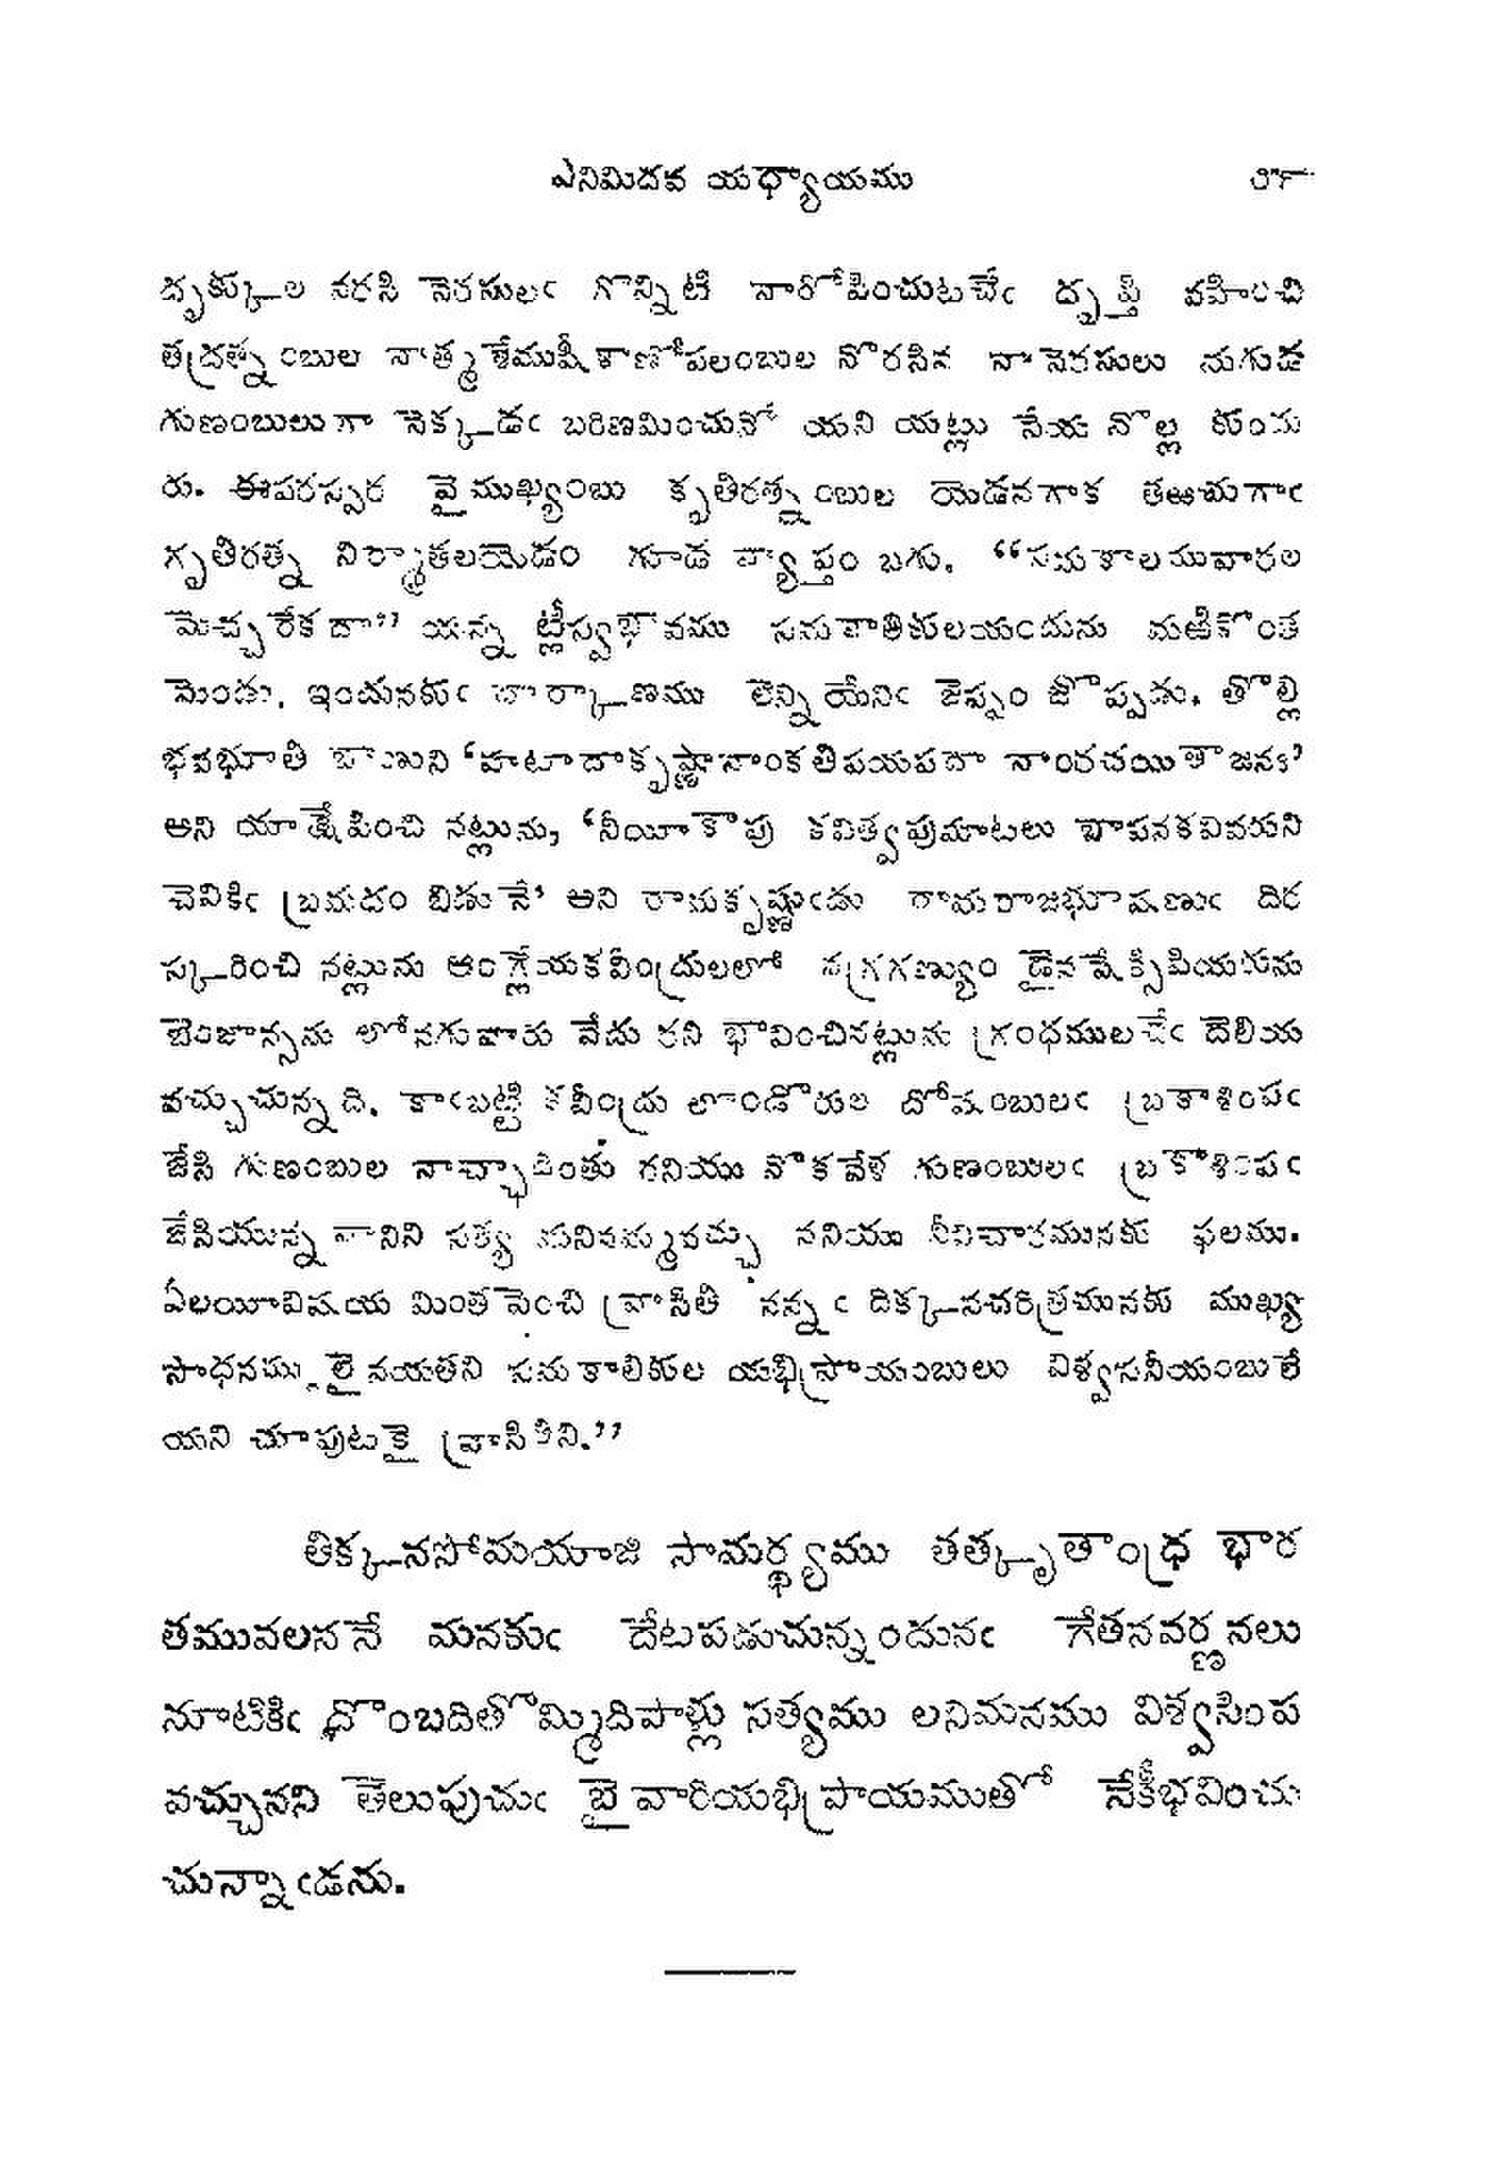దృక్కుల నరసి నెరసులఁ గొన్నిటి నారోపించుటచేఁ దృప్తి వహించి తద్రత్నంబుల నాత్మశేముషీశాణోపలంబుల నొరసిన నానెరసులు నుగుడ గుణంబులుగా నెక్కడఁ బరిణమించునో యని యట్లు సేయ నొల్ల కుందురు. ఈపరస్పర వైముఖ్యంబు కృతిరత్నంబుల యెడనగాక తఱచుగాఁ గృతిరత్న నిర్మాతలయెడం గూడ వ్యాప్తం బగు. "సమకాలమువారల మెచ్చరేకదా" యన్న ట్లీస్వభావము సమకాలికులయందును మఱికొంత
మెండు. ఇందునకుఁ దార్కాణము లెన్నియేనిఁ జెప్పం జొప్పడు. తొల్లి భవభూతి బాణుని 'హటాదాకృష్ణానాంకతిపయపదా నాంరచయితాజనః' అని యాక్షేపించి నట్లును, 'నీయీకాపు కవిత్వపుమాటలు బాపనకవివరుని చెవికిఁ బ్రమదం బిడునే' అని రామకృష్ణుఁడు రామరాజభూషణుఁ దిరస్కరించి నట్లును ఆంగ్లేయకవీంద్రులలో నగ్రగణ్యుం డైన షేక్సిపియరును బెంజాన్సను లోనగువారు వేదు రని భావించినట్లును గ్రంధములచేఁ దెలియవచ్చుచున్నది. కాఁబట్టి కవీంద్రు లొండొరుల దోషంబులఁ బ్రకాశింపఁజేసి గుణంబుల నాచ్చాదింతు రనియు నొకవేళ గుణంబులఁ బ్రకాశింపఁ జేసియున్న వానిని సత్య మనినమ్మవచ్చు నీవిచారమునకు ఫలము. ఏలయీవిషయ మింతపెంచి వ్రాసితి నన్నఁ దిక్కనచరిత్రమునకు ముఖ్య సాధనము లైనయతని సమకాలికుల యభిప్రాయంబులు విశ్వసనీయంబులే యని చూపుటకై వ్రాసితిని."

తిక్కనసోమయాజి సామర్థ్యము తత్కృతాంధ్ర భారతమువలసనే మనకుఁ దేటపడుచున్నందునఁ గేతనవర్ణనలు నూటికిఁ దొంబదితొమ్మిదిపాళ్లు సత్యము లనిమనము విశ్వసింప వచ్చునని తెలుపుచుఁ బైవారియభిప్రాయముతో నేకీభవించు చున్నాఁడను.